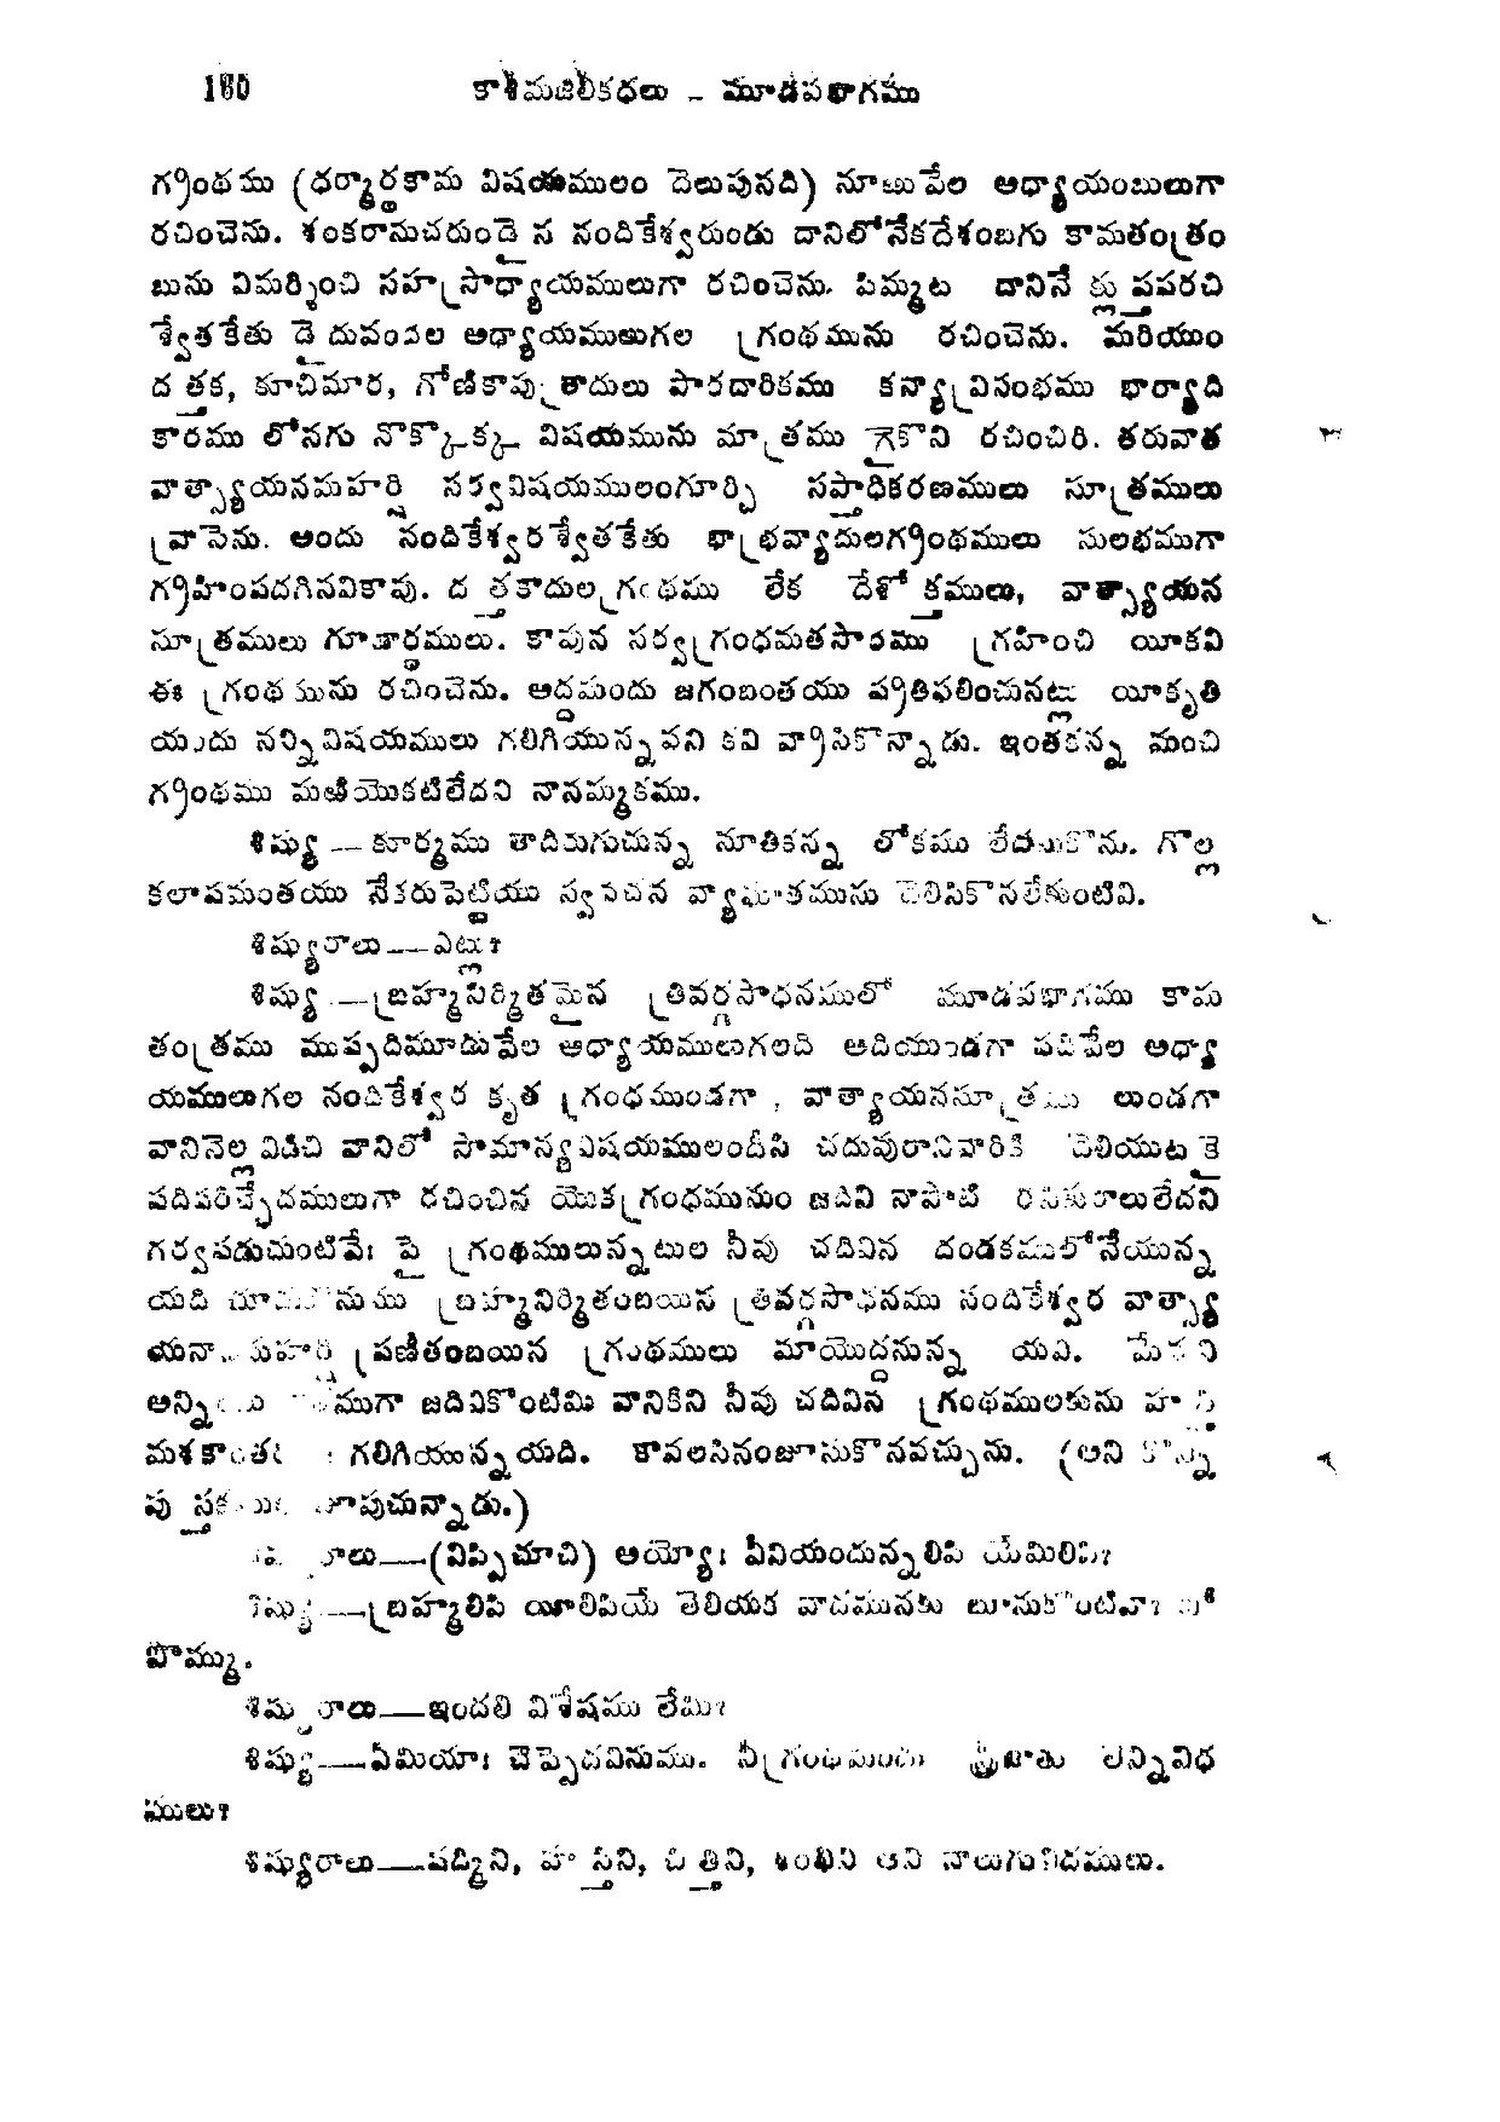గ్రంథము (ధర్మార్థకామవిషయములం దెలుపునది) నూఱువేల అధ్యాయంబులుగా రచించెను. శంకరానుచరుండైన నందికేశ్వరుండు దానిలోనేకదేశంబగు కామతంత్రంబును విమర్శించి సహస్రాధ్యాయములుగా రచించెను. పిమ్మట దానినే క్లుప్తపరచి శ్వేతకేతు డైదువందల అధ్యాయములుగల గ్రంథమును రచించెను. మరియుం దత్తక, కూచిమార, గోణికాపుత్రాదులు పారదారికము కన్యావ్రిసంభము భార్యాదికారము లోనగు నొక్కొక్క విషయమును మాత్రము గైకొని రచించిరి. తరువాత వాత్స్యాయనమహర్షి సర్వవిషయములంగూర్చి సప్తాధికరణములు సూత్రములు
వ్రాసెను. అందు నందికేశ్వర శ్వేతకేతు భాభ్రవ్యాదులగ్రంథములు సులభముగా గ్రహింపదగినవికావు. దత్తకాదుల గ్రంథము లేకదేశోక్తములు, వాత్స్యాయనసూత్రములు గూడార్ధములు. కావున సర్వగ్రంధమతసారము గ్రహించి యీకవి ఈ గ్రంథమును రచించెను. అద్దమందు జగంబంతయు ప్రతిఫలించునట్లు యీకృతి యందు నన్నివిషయములు గలిగియున్నవని కవి వ్రాసికొన్నాడు. ఇంతకన్న మంచి గ్రంథము మఱియొకటిలేదని నానమ్మకము.

శిష్యు -- కూర్మము తాదిరుగుచున్న నూతికన్న లోకము లేదనుకొను. గొల్లకలాపమంతయు నేకరుపెట్టియు స్వవచనవ్యాఘాతమును దెలిసికొనలేకుంటివి.

శిష్యురాలు ---- ఎట్లు?

శిష్యు --- బ్రహ్మనిర్మితమైన త్రివర్గసాధనములో మూడవభాగము కామతంత్రము ముప్పదిమూడువేల అధ్యాయములుగలది అది యుండగా పదివేల అధ్యాయములుగల నందికేశ్వర కృత గ్రంథముండగా , వాత్యాయనసూత్రము లుండగా వానినెల్ల విడిచి వానిలో సామాన్యవిషయములందీసి చదువురానివారికి దెలియుటకై పదిపరిచ్ఛేదములుగా రచించిన యొకగ్రంధమునుం జదివి నాపాటి రసికురాలులేదని గర్వపడుచుంటివే! పై గ్రంథములున్నటుల నీవు చదివిన దండకములోనేయున్నయది చూచుకొనుము బ్రహ్మనిర్మితంబయిన త్రివర్గసాధనము నందికేశ్వర వాత్స్యాయనాదిమహర్షి ప్రణీతంబయిన గ్రంథములు మాయొద్దనున్న యవి. మేమవి అన్నియు బాఠముగా జదివికొంటిమి వానికిని నీవు చదివిన గ్రంథములకును హస్తిమశకాంతరము గలిగియున్నయది. కావలసినంజూసుకొనవచ్చును. (అని కొన్ని పుస్తకములు జూపుచున్నాడు.)

శిష్యురాలు -- (విప్పిచూచి) అయ్యో! వీనియందున్నలిపి యేమిలిపి?

శిష్యు - బ్రహ్మలిపి యీలిపియే తెలియక వాదమునకు బూనుకొంటివా? పో పొమ్ము.

శిష్యురాలు - ఇందలి విశేషము లేమి?

శిష్యు --- ఏమియా! చెప్పెదవినుము. నీగ్రంథమందు స్త్రీజాతు లెన్నివిధములు?

శిష్యురాలు — పద్మిని, హస్తిని, చిత్తిని, శంఖిని అని నాలుగువిధములు.